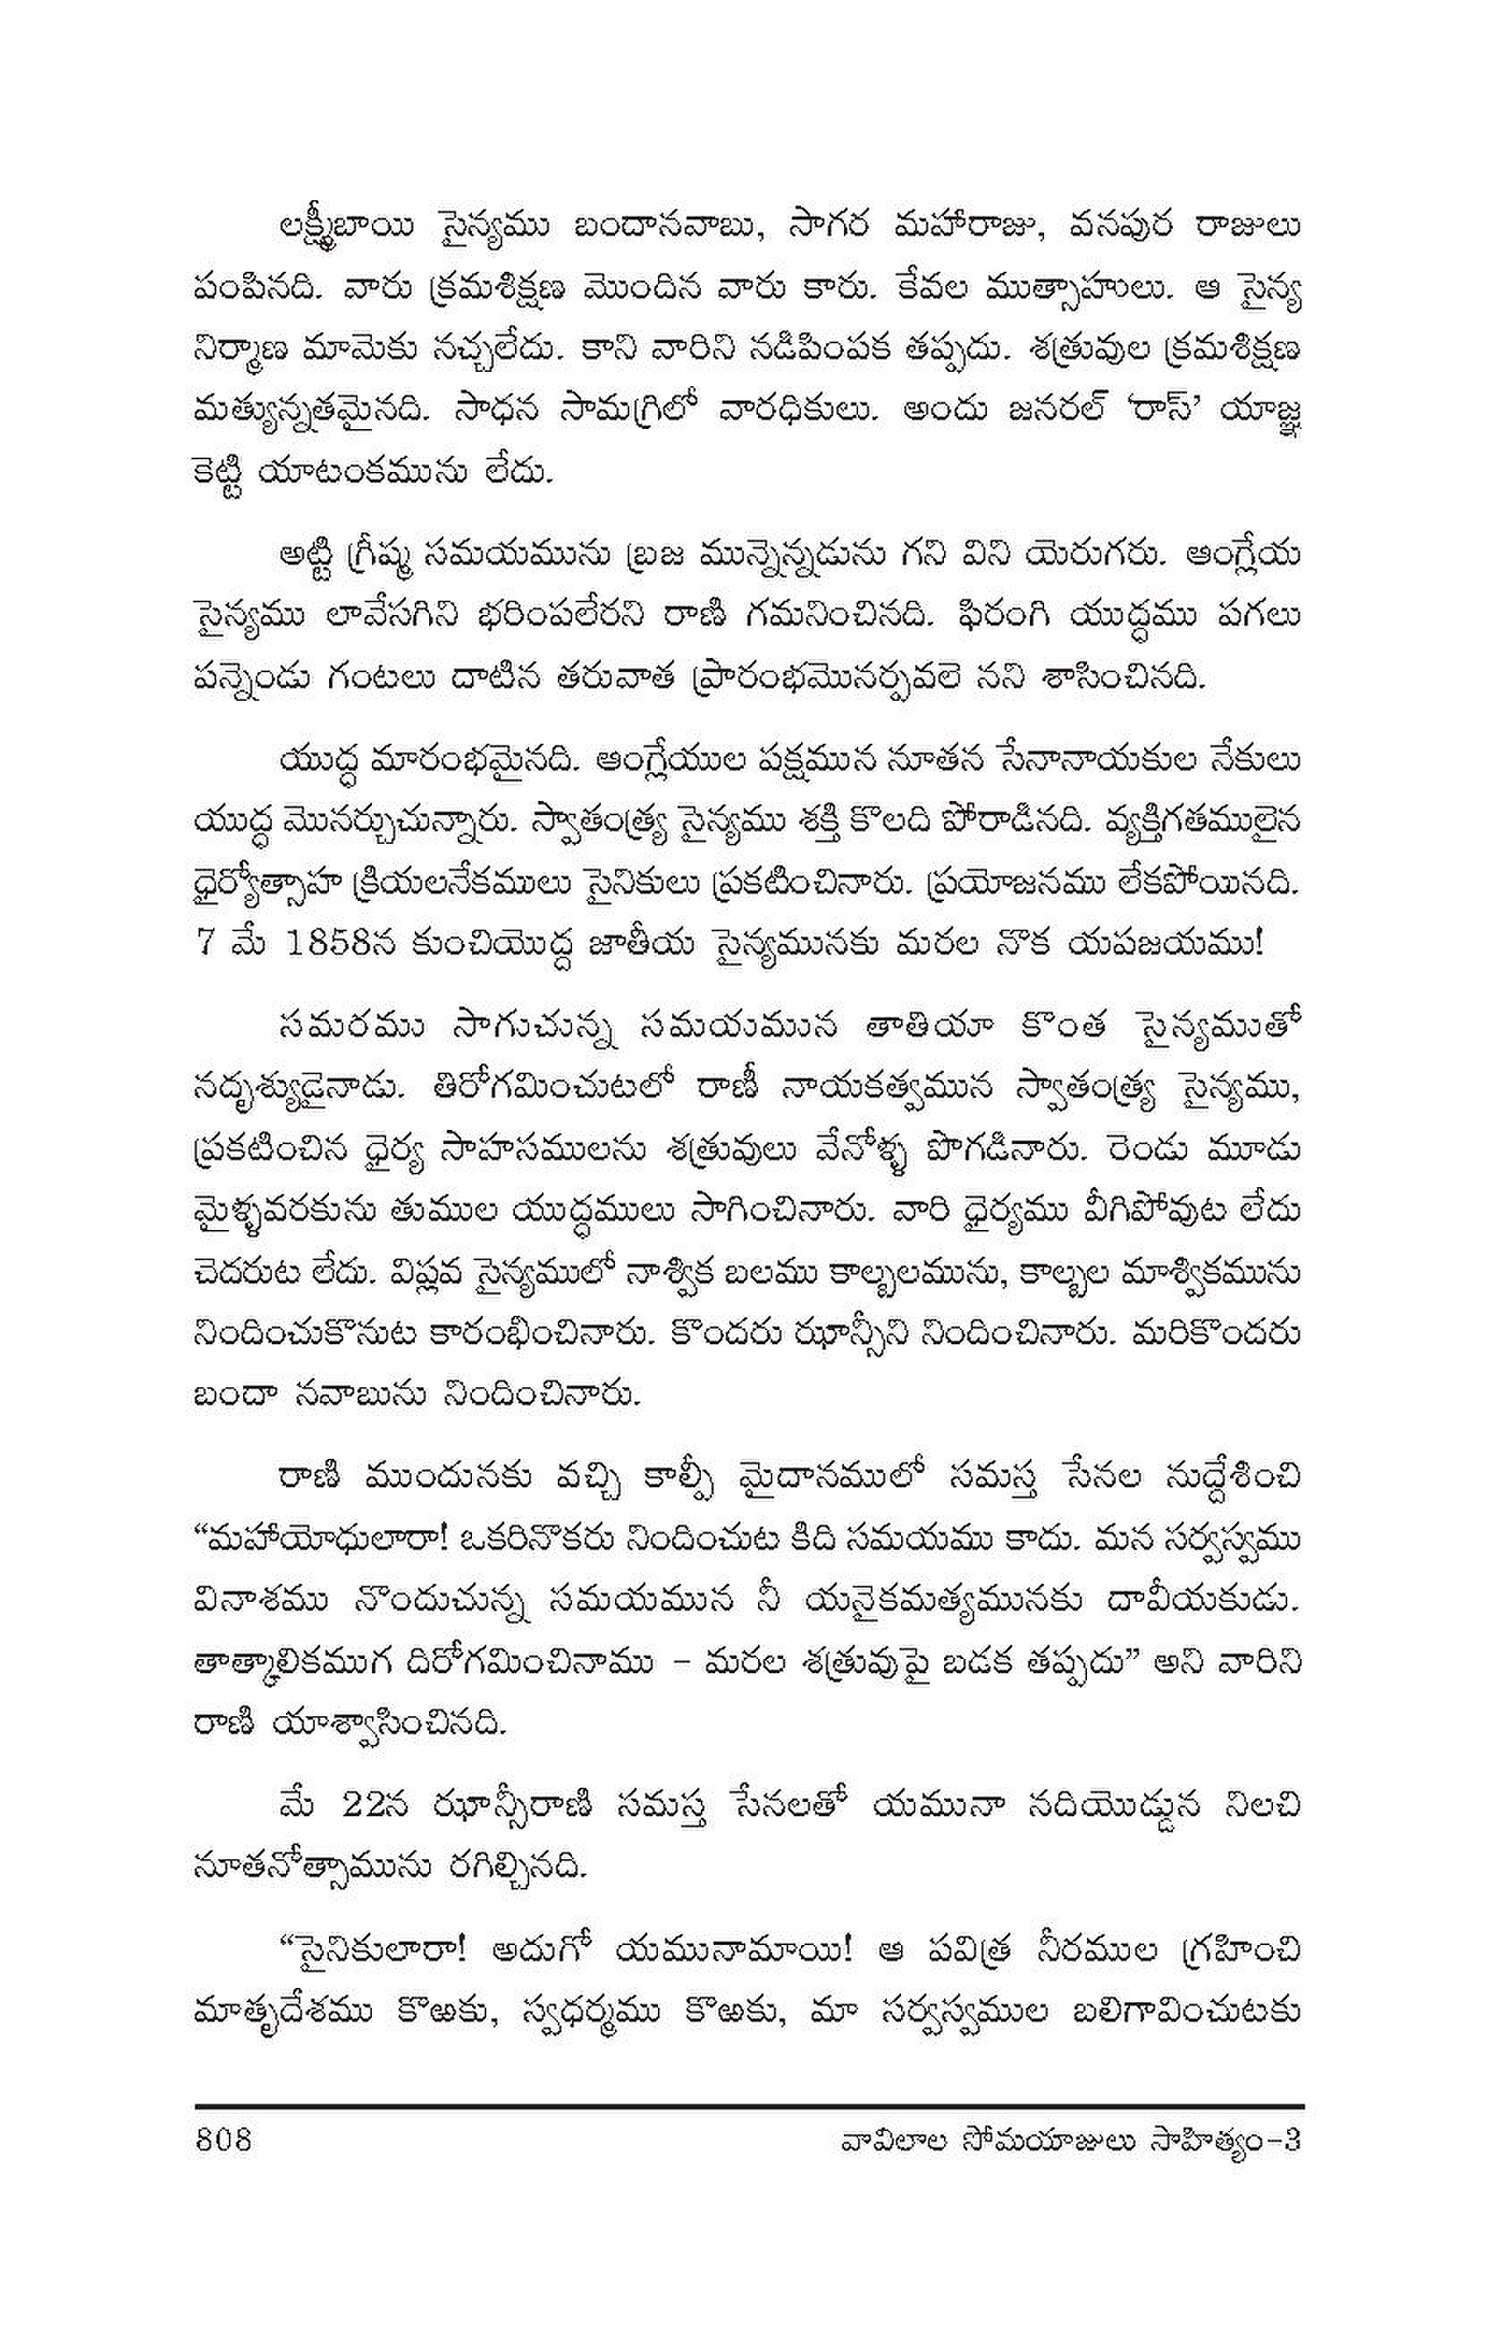లక్ష్మీబాయి సైన్యము బందానవాబు, సాగర మహారాజు, వనపుర రాజులు పంపినది. వారు క్రమశిక్షణ మొందిన వారు కారు. కేవల ముత్సాహులు. ఆ సైన్య నిర్మాణ మామెకు నచ్చలేదు. కాని వారిని నడిపింపక తప్పదు. శత్రువుల క్రమశిక్షణ మత్యున్నతమైనది. సాధన సామగ్రిలో వారధికులు. అందు జనరల్ 'రాస్' యాజ్ఞ కెట్టి యాటంకమును లేదు.

అట్టి గ్రీష్మ సమయమును బ్రజ మున్నెన్నడును గని విని యెరుగరు. ఆంగ్లేయ సైన్యము లావేసగిని భరింపలేరని రాణి గమనించినది. ఫిరంగి యుద్ధము పగలు పన్నెండు గంటలు దాటిన తరువాత ప్రారంభమొనర్పవలె నని శాసించినది.

యుద్ధ మారంభమైనది. ఆంగ్లేయుల పక్షమున నూతన సేనానాయకుల నేకులు యుద్ధ మొనర్చుచున్నారు. స్వాతంత్య్ర సైన్యము శక్తి కొలది పోరాడినది. వ్యక్తిగతములైన ధైర్యోత్సాహ క్రియలనేకములు సైనికులు ప్రకటించినారు. ప్రయోజనము లేకపోయినది. 7 మే 1858న కుంచియొద్ద జాతీయ సైన్యమునకు మరల నొక యపజయము!

సమరము సాగుచున్న సమయమున తాతియా కొంత సైన్యముతో నదృశ్యుడైనాడు. తిరోగమించుటలో రాణీ నాయకత్వమున స్వాతంత్ర్య సైన్యము, ప్రకటించిన ధైర్య సాహసములను శత్రువులు వేనోళ్ళ పొగడినారు. రెండు మూడు మైళ్ళవరకును తుముల యుద్ధములు సాగించినారు. వారి ధైర్యము వీగిపోవుట లేదు చెదరుట లేదు. విప్లవ సైన్యములో నాశ్విక బలము కాల్బలమును, కాల్బల మాశ్వికమును నిందించుకొనుట కారంభించినారు. కొందరు ఝాన్సీని నిందించినారు. మరికొందరు బందా నవాబును నిందించినారు.

రాణి ముందునకు వచ్చి కాల్పీ మైదానములో సమస్త సేనల నుద్దేశించి “మహాయోధులారా! ఒకరినొకరు నిందించుట కిది సమయము కాదు. మన సర్వస్వము వినాశము నొందుచున్న సమయమున నీ యనైకమత్యమునకు దావీయకుడు. తాత్కాలికముగ దిరోగమించినాము - మరల శత్రువుపై బడక తప్పదు" అని వారిని రాణి యాశ్వాసించినది.

మే 22న ఝాన్సీరాణి సమస్త సేనలతో యమునా నదియొడ్డున నిలచి నూతనోత్సామును రగిల్చినది.

“సైనికులారా! అదుగో యమునామాయి! ఆ పవిత్ర నీరముల గ్రహించి మాతృదేశము కొఱకు, స్వధర్మము కొఱకు, మా సర్వస్వముల బలిగావించుటకు